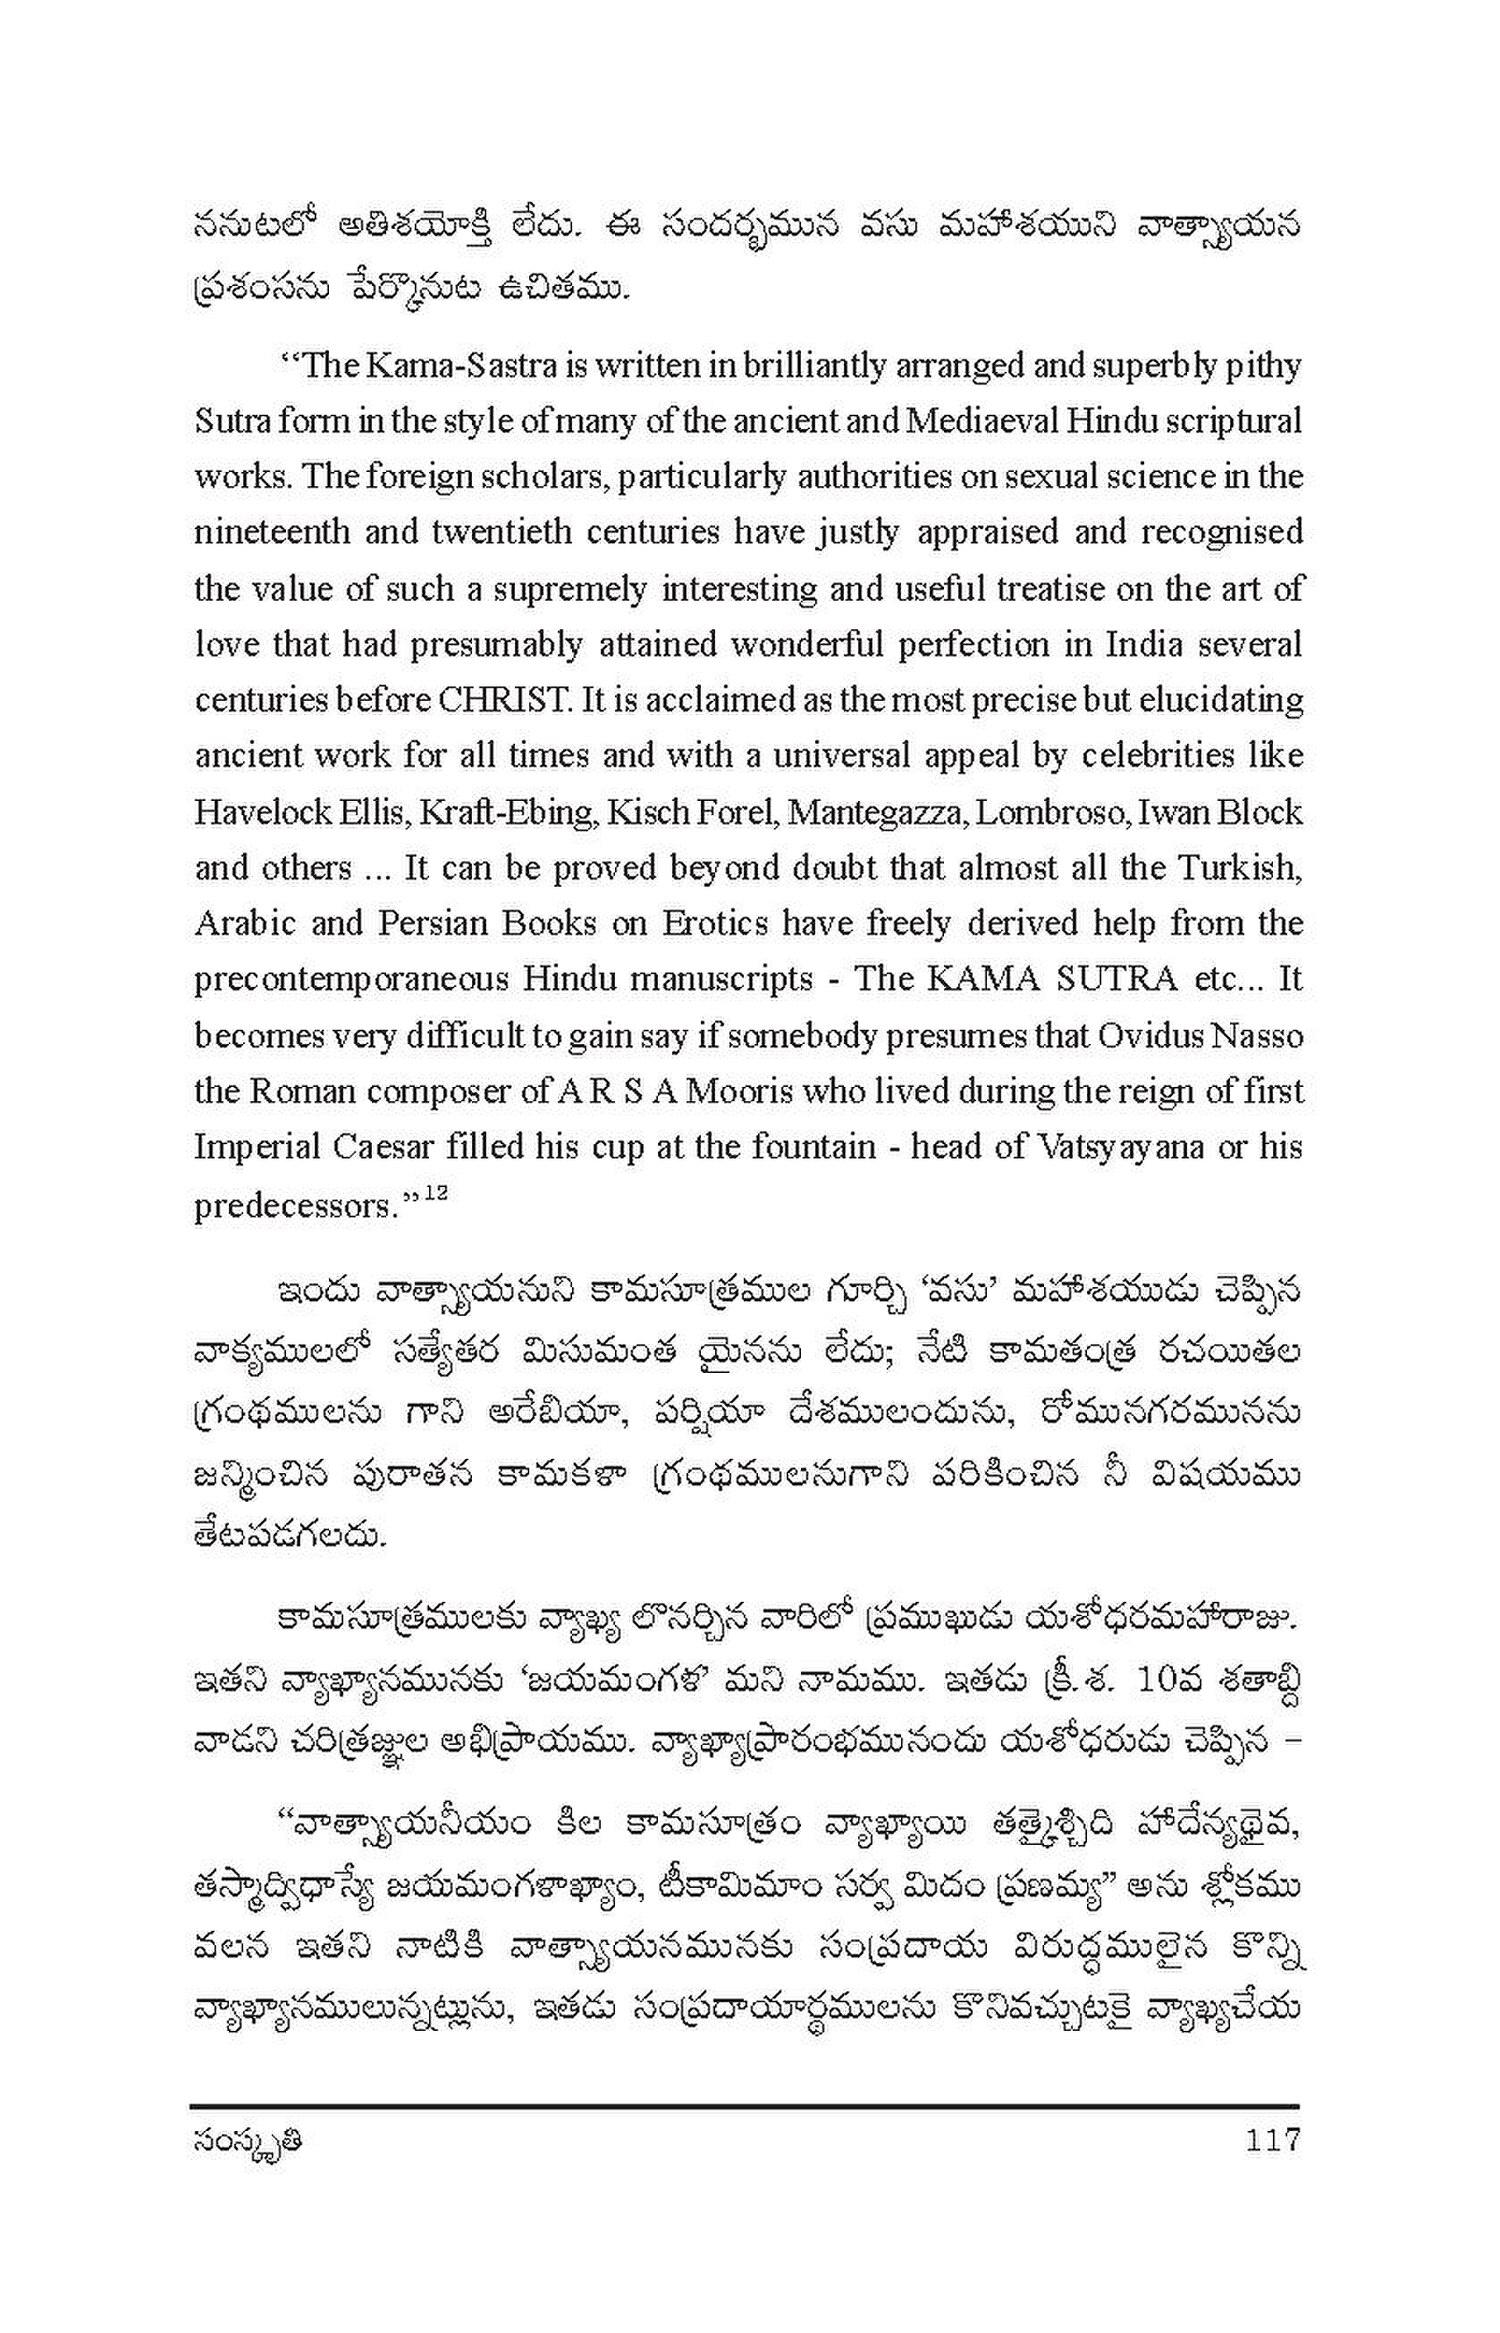ననుటలో అతిశయోక్తి లేదు. ఈ సందర్భమున వసు మహాశయుని వాత్స్యాయన
ప్రశంసను పేర్కొనుట ఉచితము.

“The Kama-Sastra is written in brilliantly arranged and superbly pithy Sutra form in the style of many of the ancient and Mediaeval Hindu scriptural works. The foreign scholars, particularly authorities on sexual science in the nineteenth and twentieth centuries have justly appraised and recognised the value of such a supremely interesting and useful treatise on the art of
love that had presumably attained wonderful perfection in India several centuries before CHRIST. It is acclaimed as the most precise but elucidating ancient work for all times and with a universal appeal by celebrities like Havelock Ellis, Kraft-Ebing, Kisch Forel, Mantegazza, Lombroso, Iwan Block and others ... It can be proved beyond doubt that almost all the Turkish, Arabic and Persian Books on Erotics have freely derived help from the precontemporaneous Hindu manuscripts-The KAMA SUTRA etc... It becomes very difficult to gain say if somebody presumes that Ovidus Nasso the Roman composer of A R S A Mooris who lived during the reign of first Imperial Caesar filled his cup at the fountain - head of Vatsyayana or his
predecessors."

ఇందు వాత్స్యాయనుని కామసూత్రములు గూర్చి 'వసు' మహాశయుడు చెప్పిన
వాక్యములలో సత్యేతర మిసుమంత యైనను లేదు; నేటి కామతంత్ర రచయితల
గ్రంథములను గాని అరేబియా, పర్షియా దేశములందును, రోమునగరమునను
జన్మించిన పురాతన కామకళా గ్రంథములనుగాని పరికించిన నీ విషయము
తేటపడగలదు.

కామసూత్రములకు వ్యాఖ్య లొనర్చిన వారిలో ప్రముఖుడు యశోధరమహారాజు.
ఇతని వ్యాఖ్యానమునకు 'జయమంగళ' మని నామము. ఇతడు క్రీ.శ. 10వ శతాబ్ది వాడని చరిత్రజ్ఞుల అభిప్రాయము. వ్యాఖ్యాప్రారంభమునందు యశోధరుడు చెప్పిన -

“వాత్స్యాయనీయం కిల కామసూత్రం వ్యాఖ్యాయి తత్కైశ్చిది హాదేన్యథైవ,
తస్మాద్విధాస్యే జయమంగళాఖ్యాం, టీకామిమాం సర్వ మిదం ప్రణమ్య" అను శ్లోకము వలన ఇతని నాటికి వాత్స్యాయనమునకు సంప్రదాయ విరుద్ధములైన కొన్ని
వ్యాఖ్యానములున్నట్లును, ఇతడు సంప్రదాయార్థములను కొనివచ్చుటకై వ్యాఖ్యచేయ